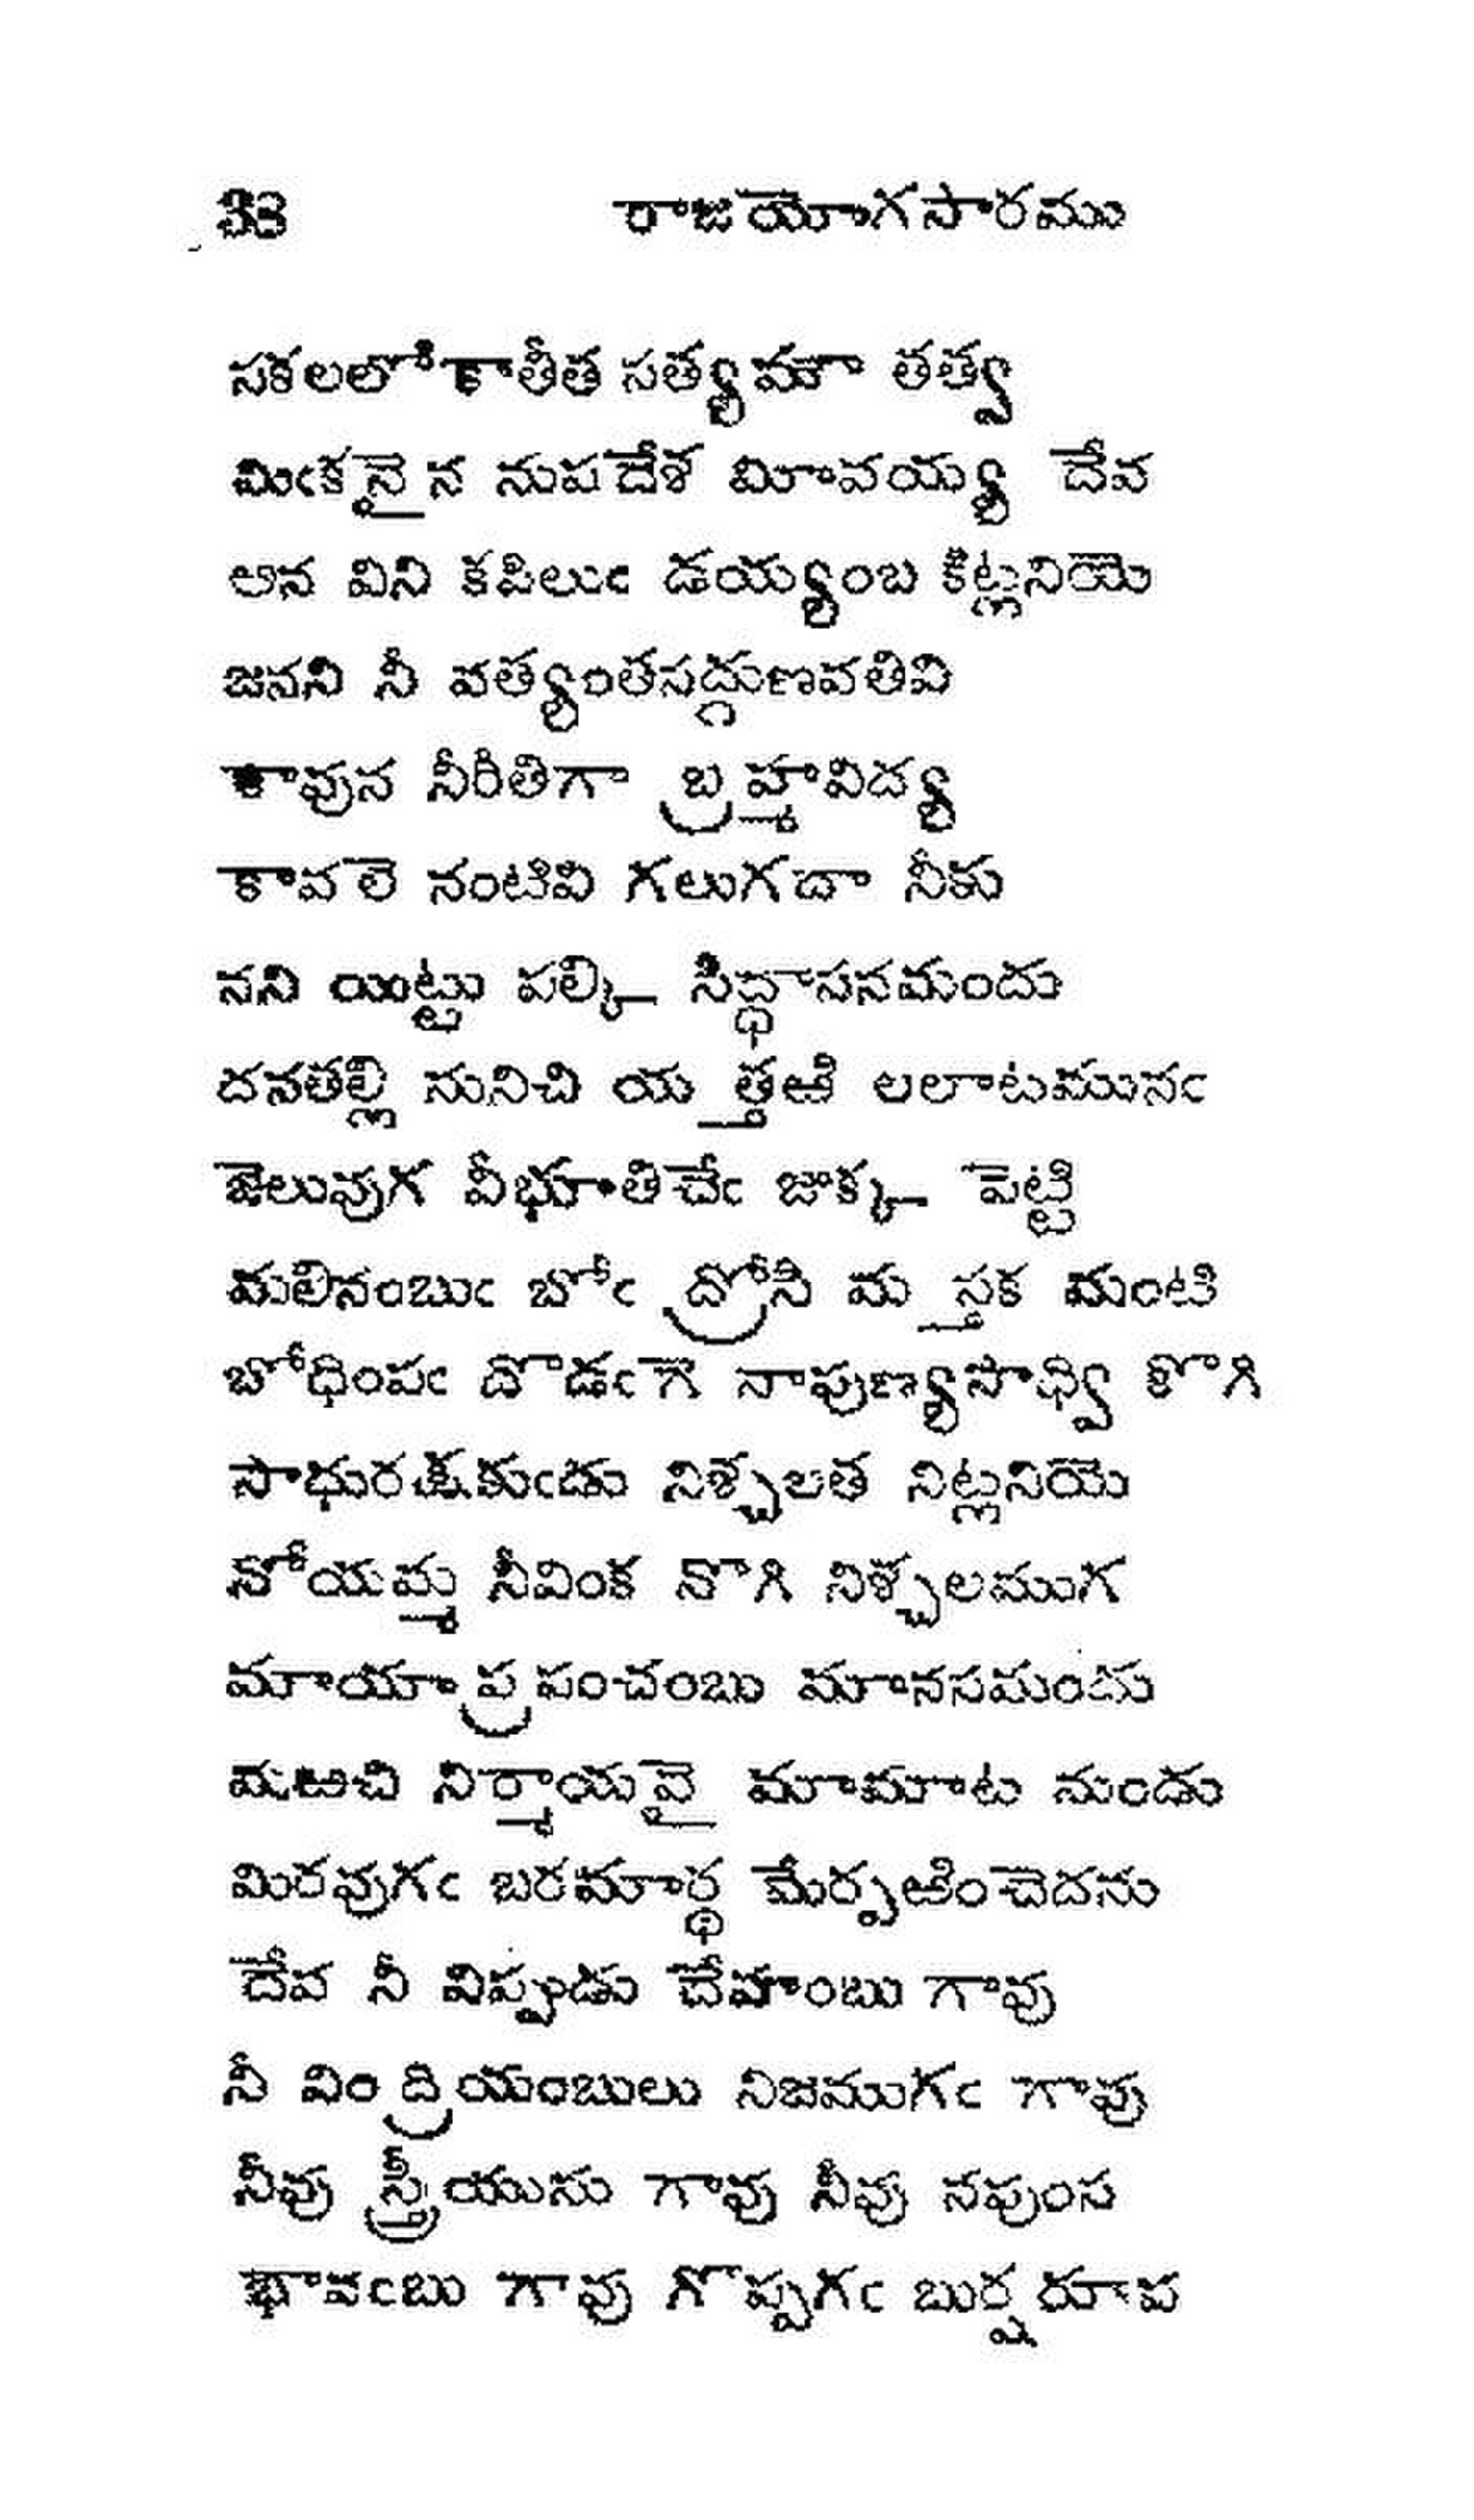సకలలోకాతీతసత్యమౌ తత్వ
మిఁకనైన నుపదేశ మీవయ్య దేవ 
అన విని కపిలుఁ డయ్యంబ కిట్లనియె
జననీ నీ వత్యంతసద్గుణవతివి
కావున నీరీతిగా బ్రహ్మవిద్య
కావలె నంటివి గలుగదా నీకు
నని యిట్లు పల్కి సిద్ధాసనమందు
దనతల్లి సునిచి యత్తఱి లలాటమునఁ
జెలువుగ వీభూతిచేఁ జుక్క పెట్టి
మలినంబుఁ బోఁ ద్రోసి మస్తక మంటి
బోధింపఁ దొడఁగె నాపుణ్యసాధ్వి కొగి
సాధురక్షకుఁడు నిశ్చలత నిట్లనియె
నోయమ్మ నీవింక నొగి నిశ్చలముగ
మాయాప్రపంచంబు మానసమందు 
మఱచి నిర్మాయవై మామాట నుండు
మిరవుగఁ బరమార్థ మేర్పఱించెదను
దేవ నీ విప్పుడు దేహంబు గావు
నీ వింద్రియంబులు నిజముగఁ గావు
నీవు స్త్రీయును గావు నీవు నపుంస
భావంబు గావు గొప్పగఁ బుర్షరూప